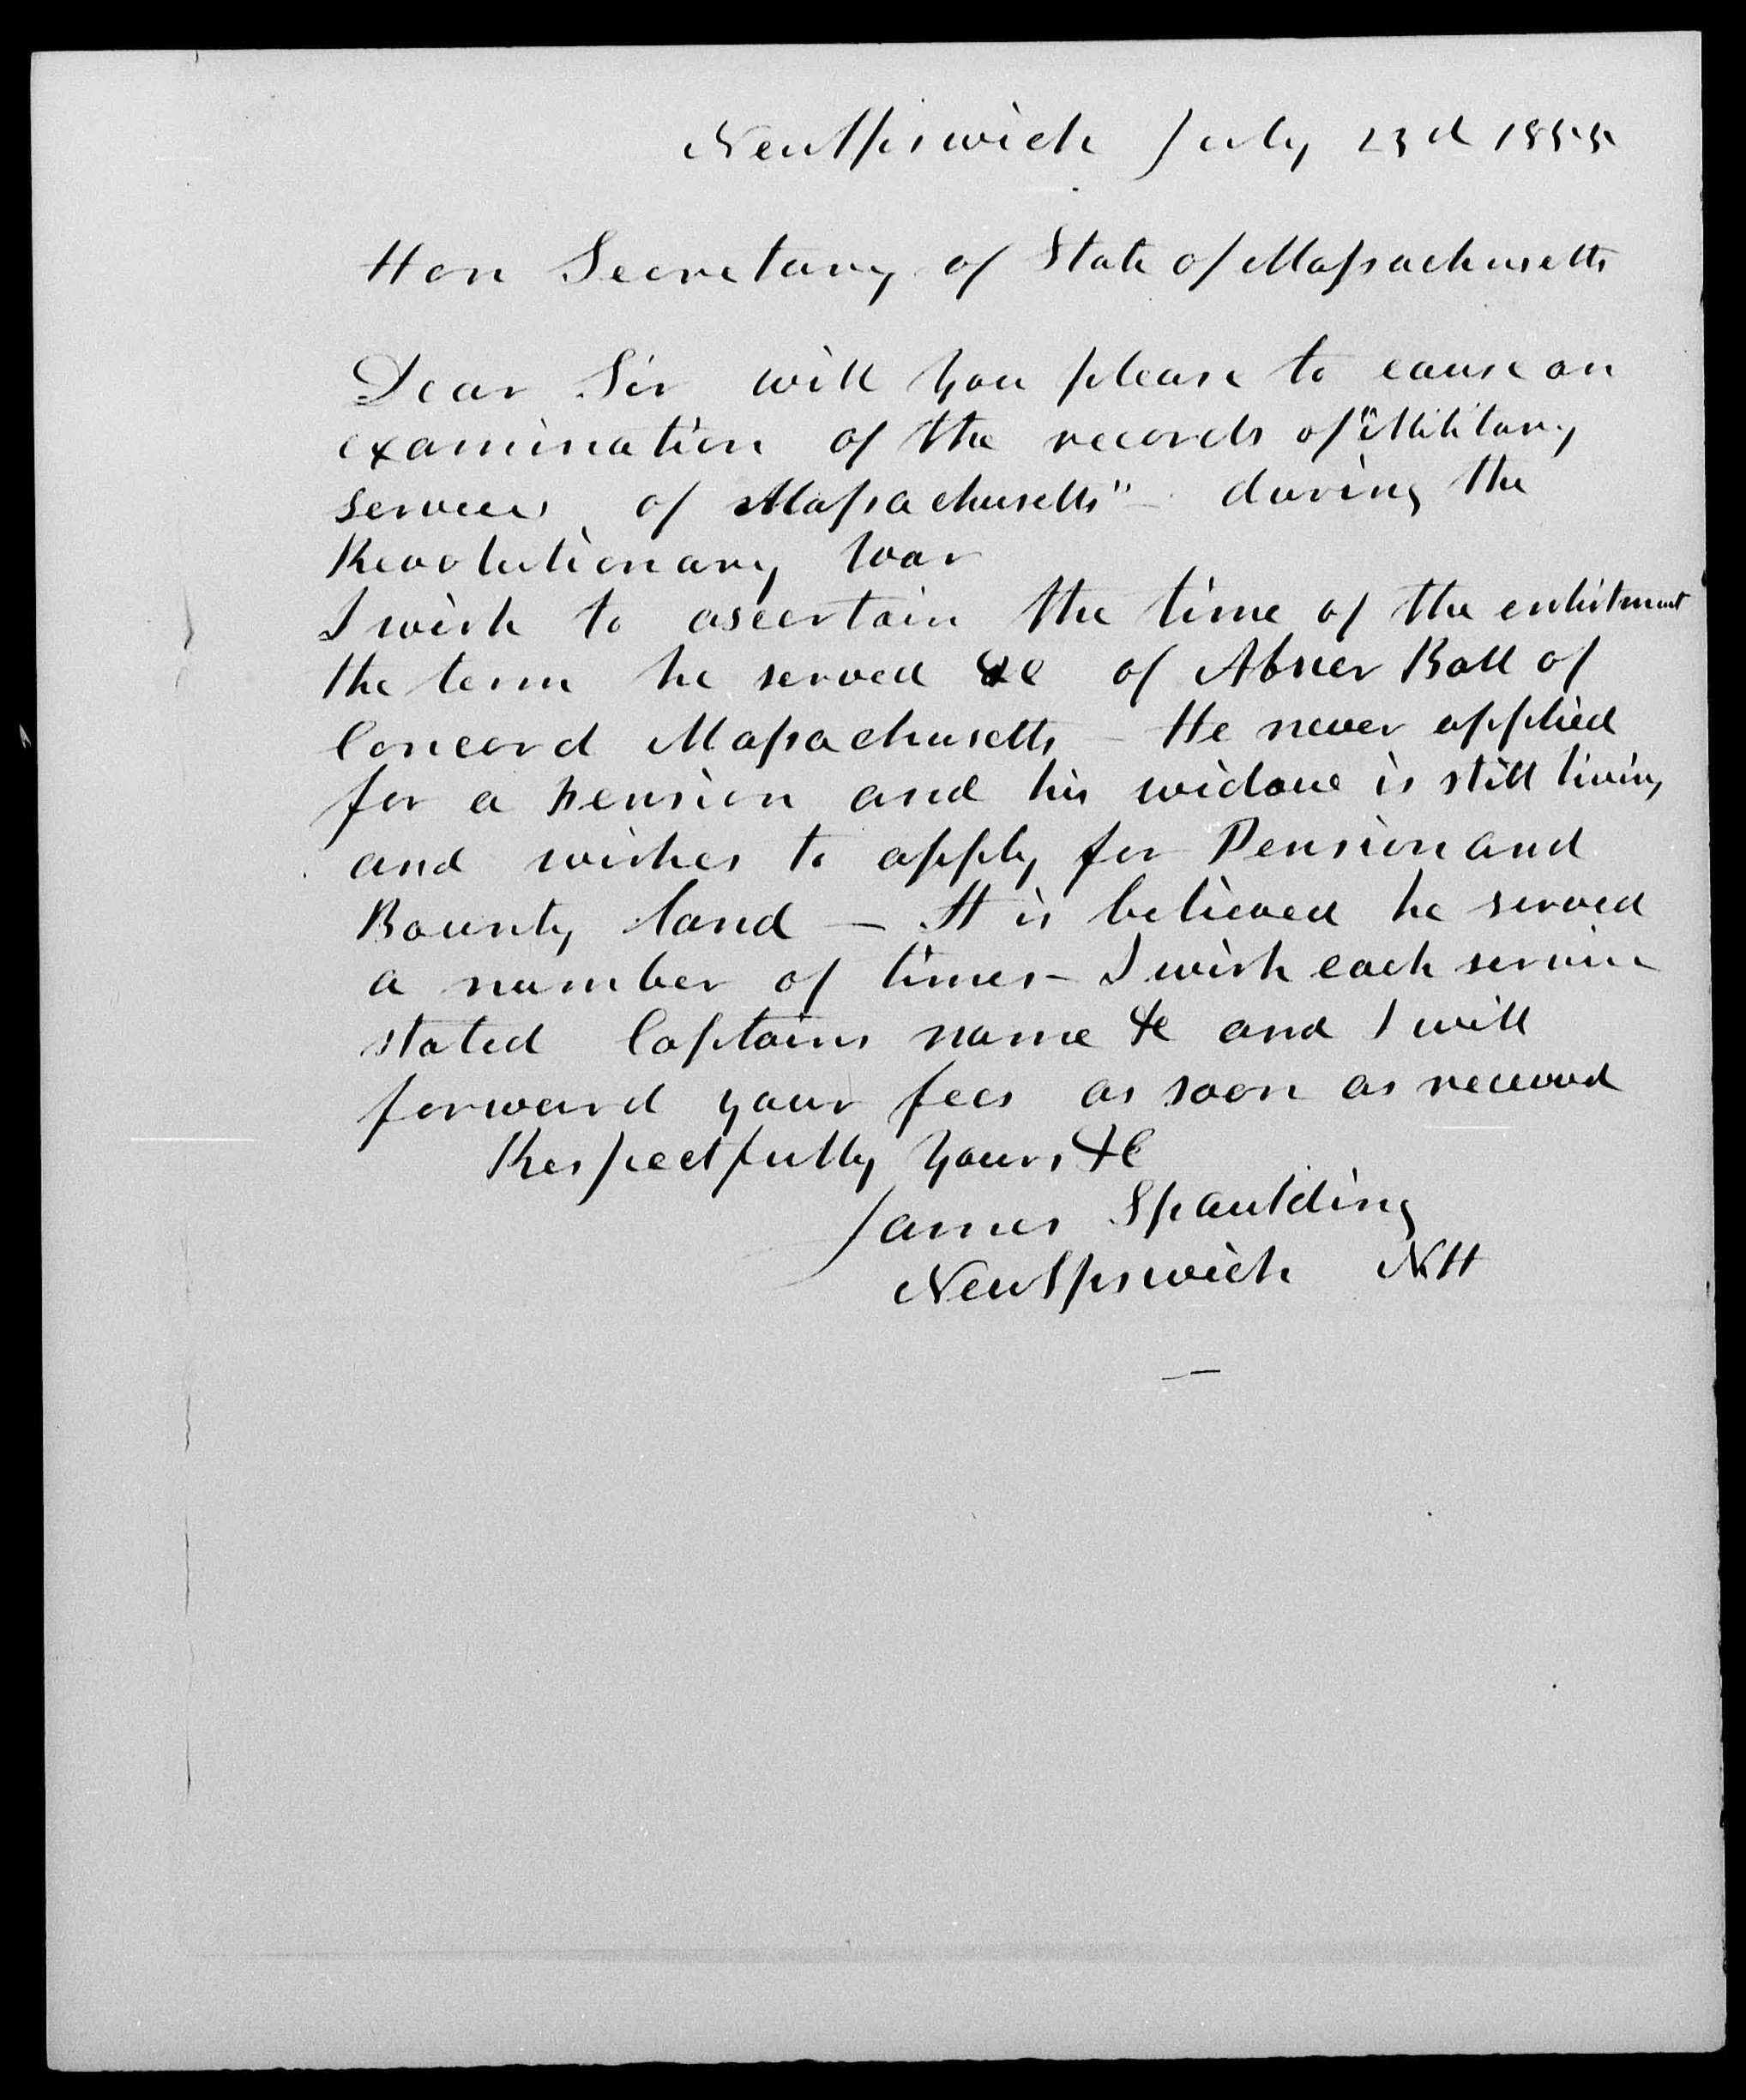New Ipswich July 23d 1855
Hon Secretary of State of Massachusetts
Dear Sir will you please to an
examination of the records of Military 
service of Massachusetts during the
Revolutionary War
I wish to ascertain the time of the enlistment
the term he served of Abner Ball of
Concord Massachusetts - He never applied 
for a pension and his widow is still living
and wishes to apply for Pension and
Bounty land - It is believed he served 
a number of times - I wish each service
stated Captains name etc and I will
forward your fees as soon as received
Respectfully yours
James Spaulding
New Ipswich N.H.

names: James Spaulding, Abner Ball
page: 16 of 16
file: B. L. Wt, 36670-160-55, Abner Ball, Mass.